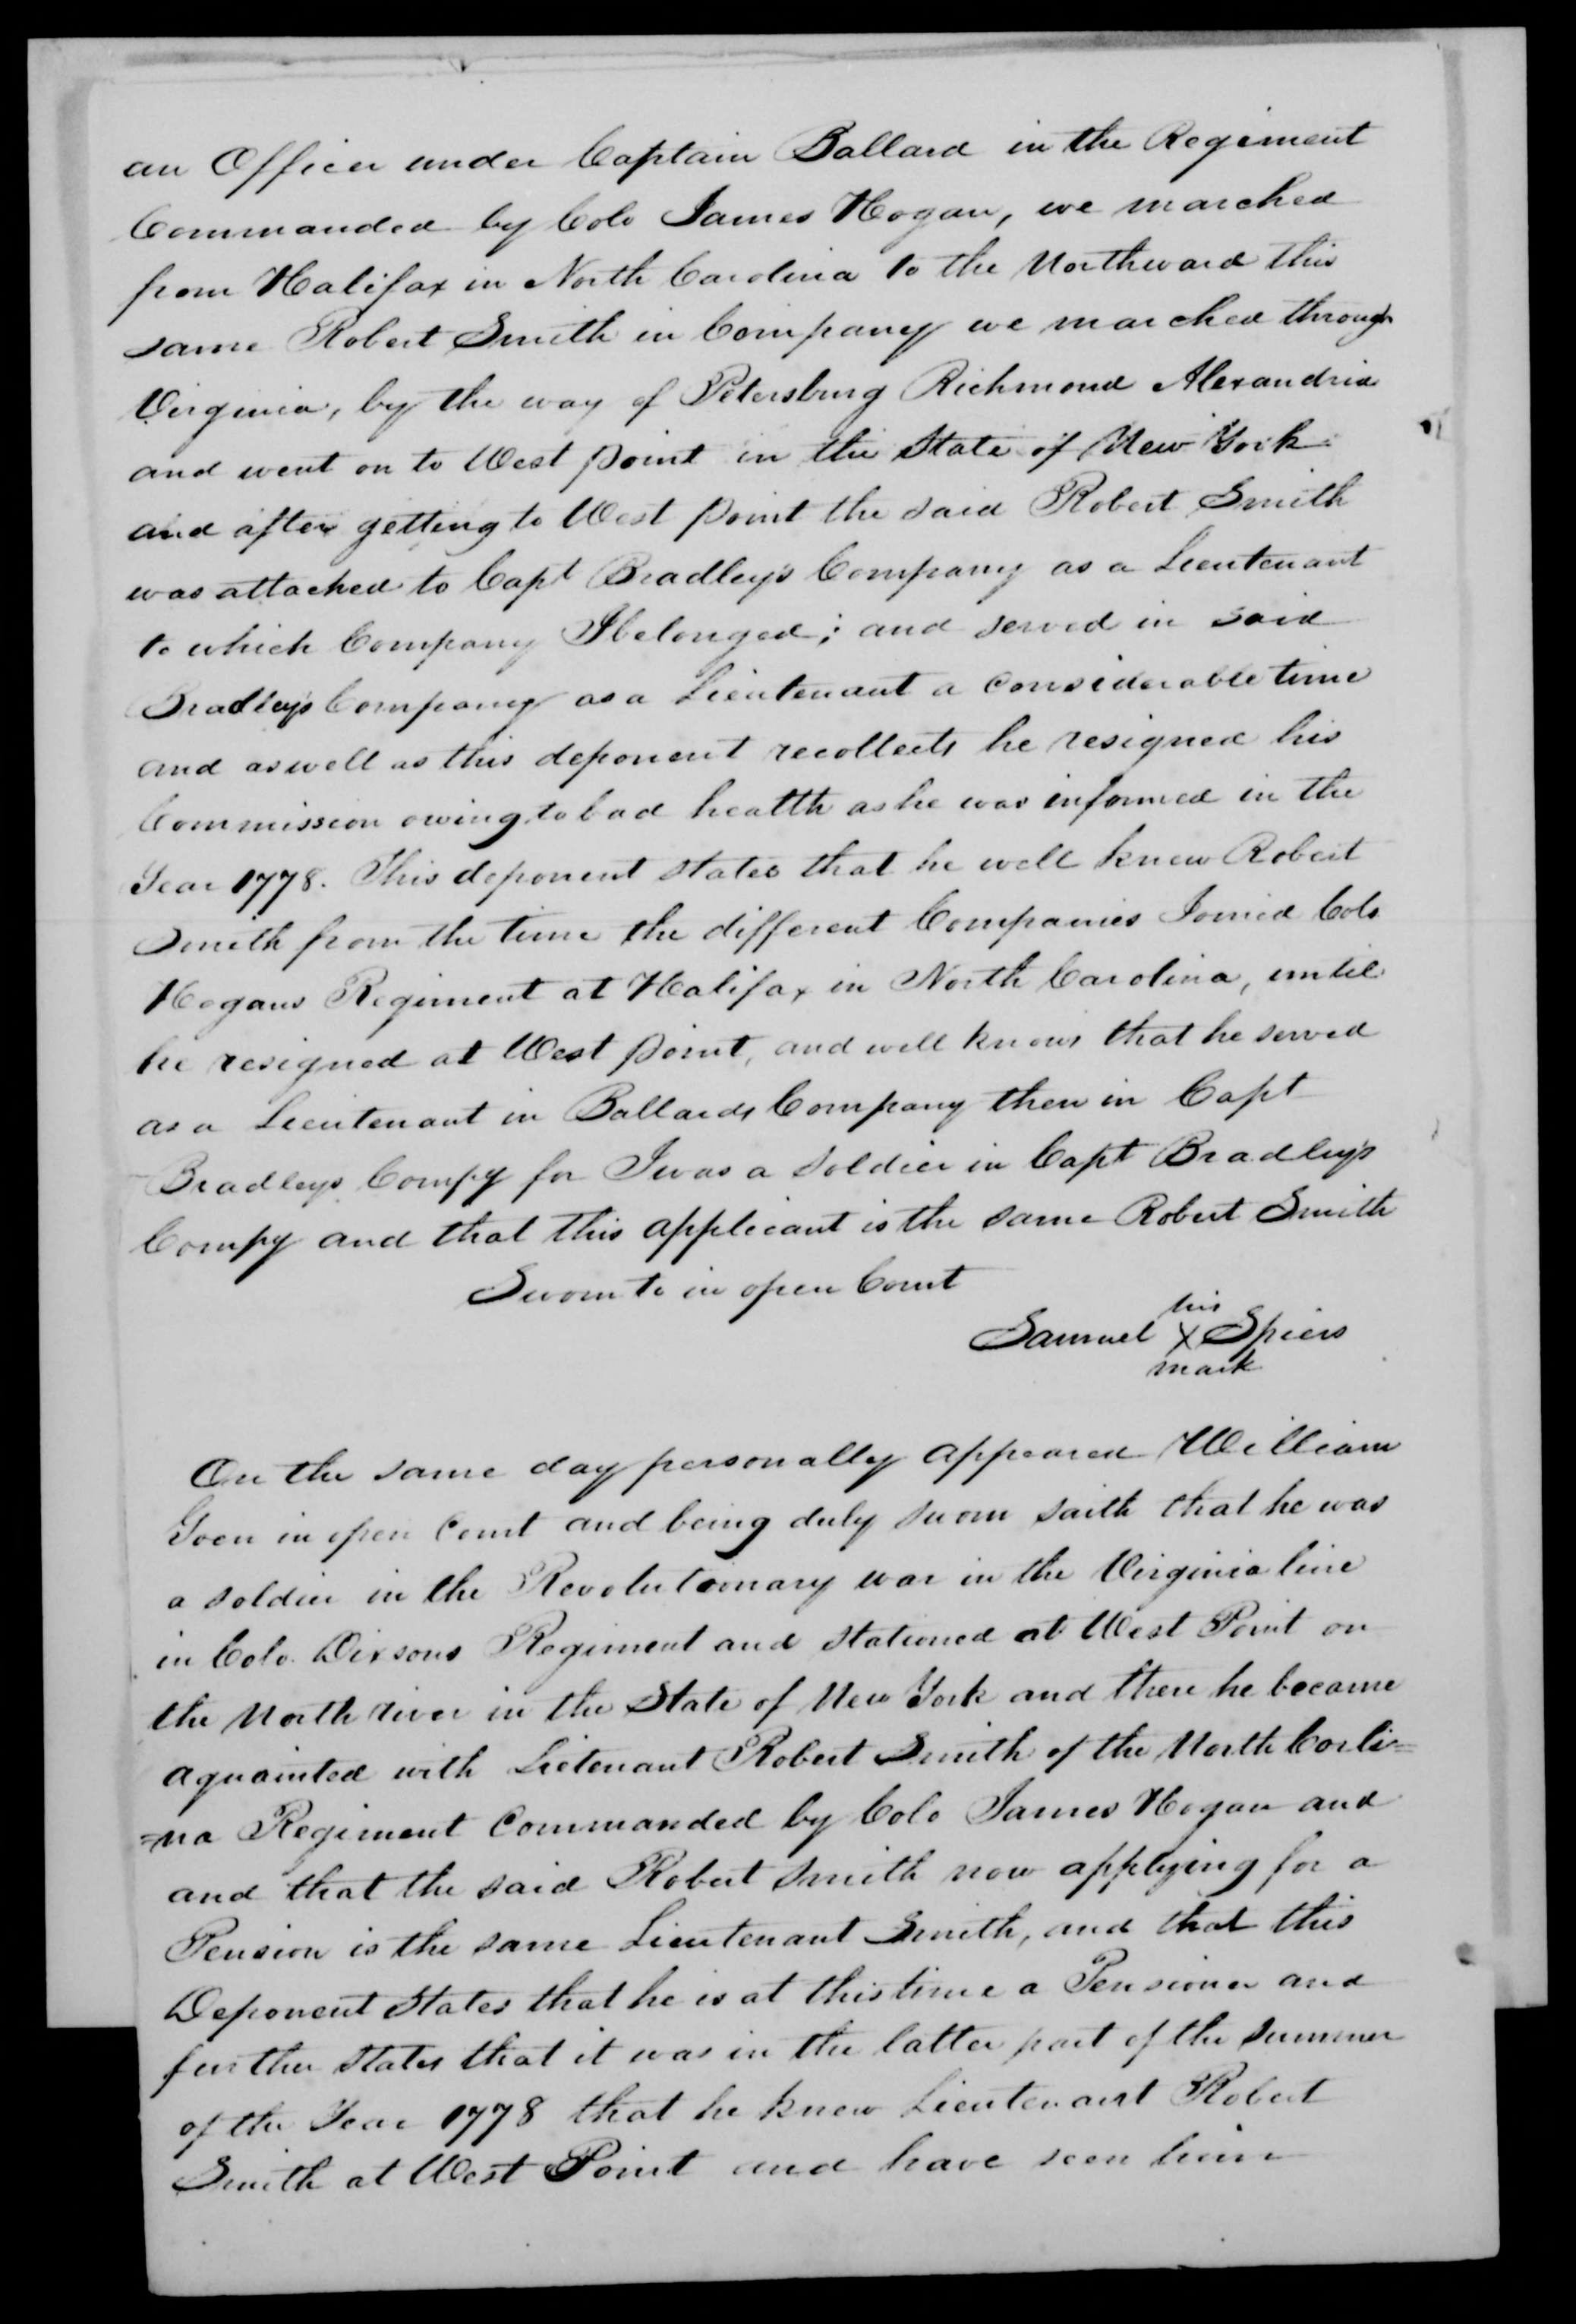an Officer under Captain Ballard in the Regiment Commanded by Colo James Hogan, we marched
from Halifax in North Carolina to the Northward this same Robert Smith in company we marched through
Virginia, by the way of Petersburg Richmond Alexandria and went on to West Point in the State of New York
and after getting to West Point the said Robert Smith was attached to Capt Bradley's Company as a Lieutenant to which Company I belonged, and served in said
Bradley's Company as a Lieutenant a considerable time and as well as this deponent recollects he resigned his
Commission owing to bad health as he was informed in the year 1778. This deponent states that he well knew Robert Smith from the time the different companies Joined Colo Hogans Regiment at Halifax in North Carolina, until he resigned at West Point, and well knows that he served
as a Lieutenant in Ballards Company then in Capt Bradleys Compy for I was a soldier in Capt Bradley's
Compy and that this applicant is the same Robert Smith
Sworn to in open Court
Samuel Spiers his X mark

On the same day personally appeared William Goen in open Court and being duly sworn saith that he was a
soldier in the Revolutionary war in the Virginia line in Colo. Dirsons Regiment and stationed at West Point on the North river in the State of New York and there he became aquainted with Lietenant Robert Smith of the North Carolina Regiment commanded by Colo James Hogan and and that the said Robert Smith now applying for a Pension is the same Lieutenant Smith, and that this Deponent States that he is at this time a Pensioner and
further states that it was in the latter part of the summer of the year 1778 that he knew Lieutenant Robert Smith at West Point and have seen him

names: [BLANK] Ballard; Robert Smith; Robert Smith; William Goen; James Hogan; Robert Smith; Robert Smith; Samuel Spiers; James Hogan; Robert Smith; Robert Smith; [BLANK] Smith; Robert Smith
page: 47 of 79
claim: widow's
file: W. 1504, for Robert Smith, North Carolina